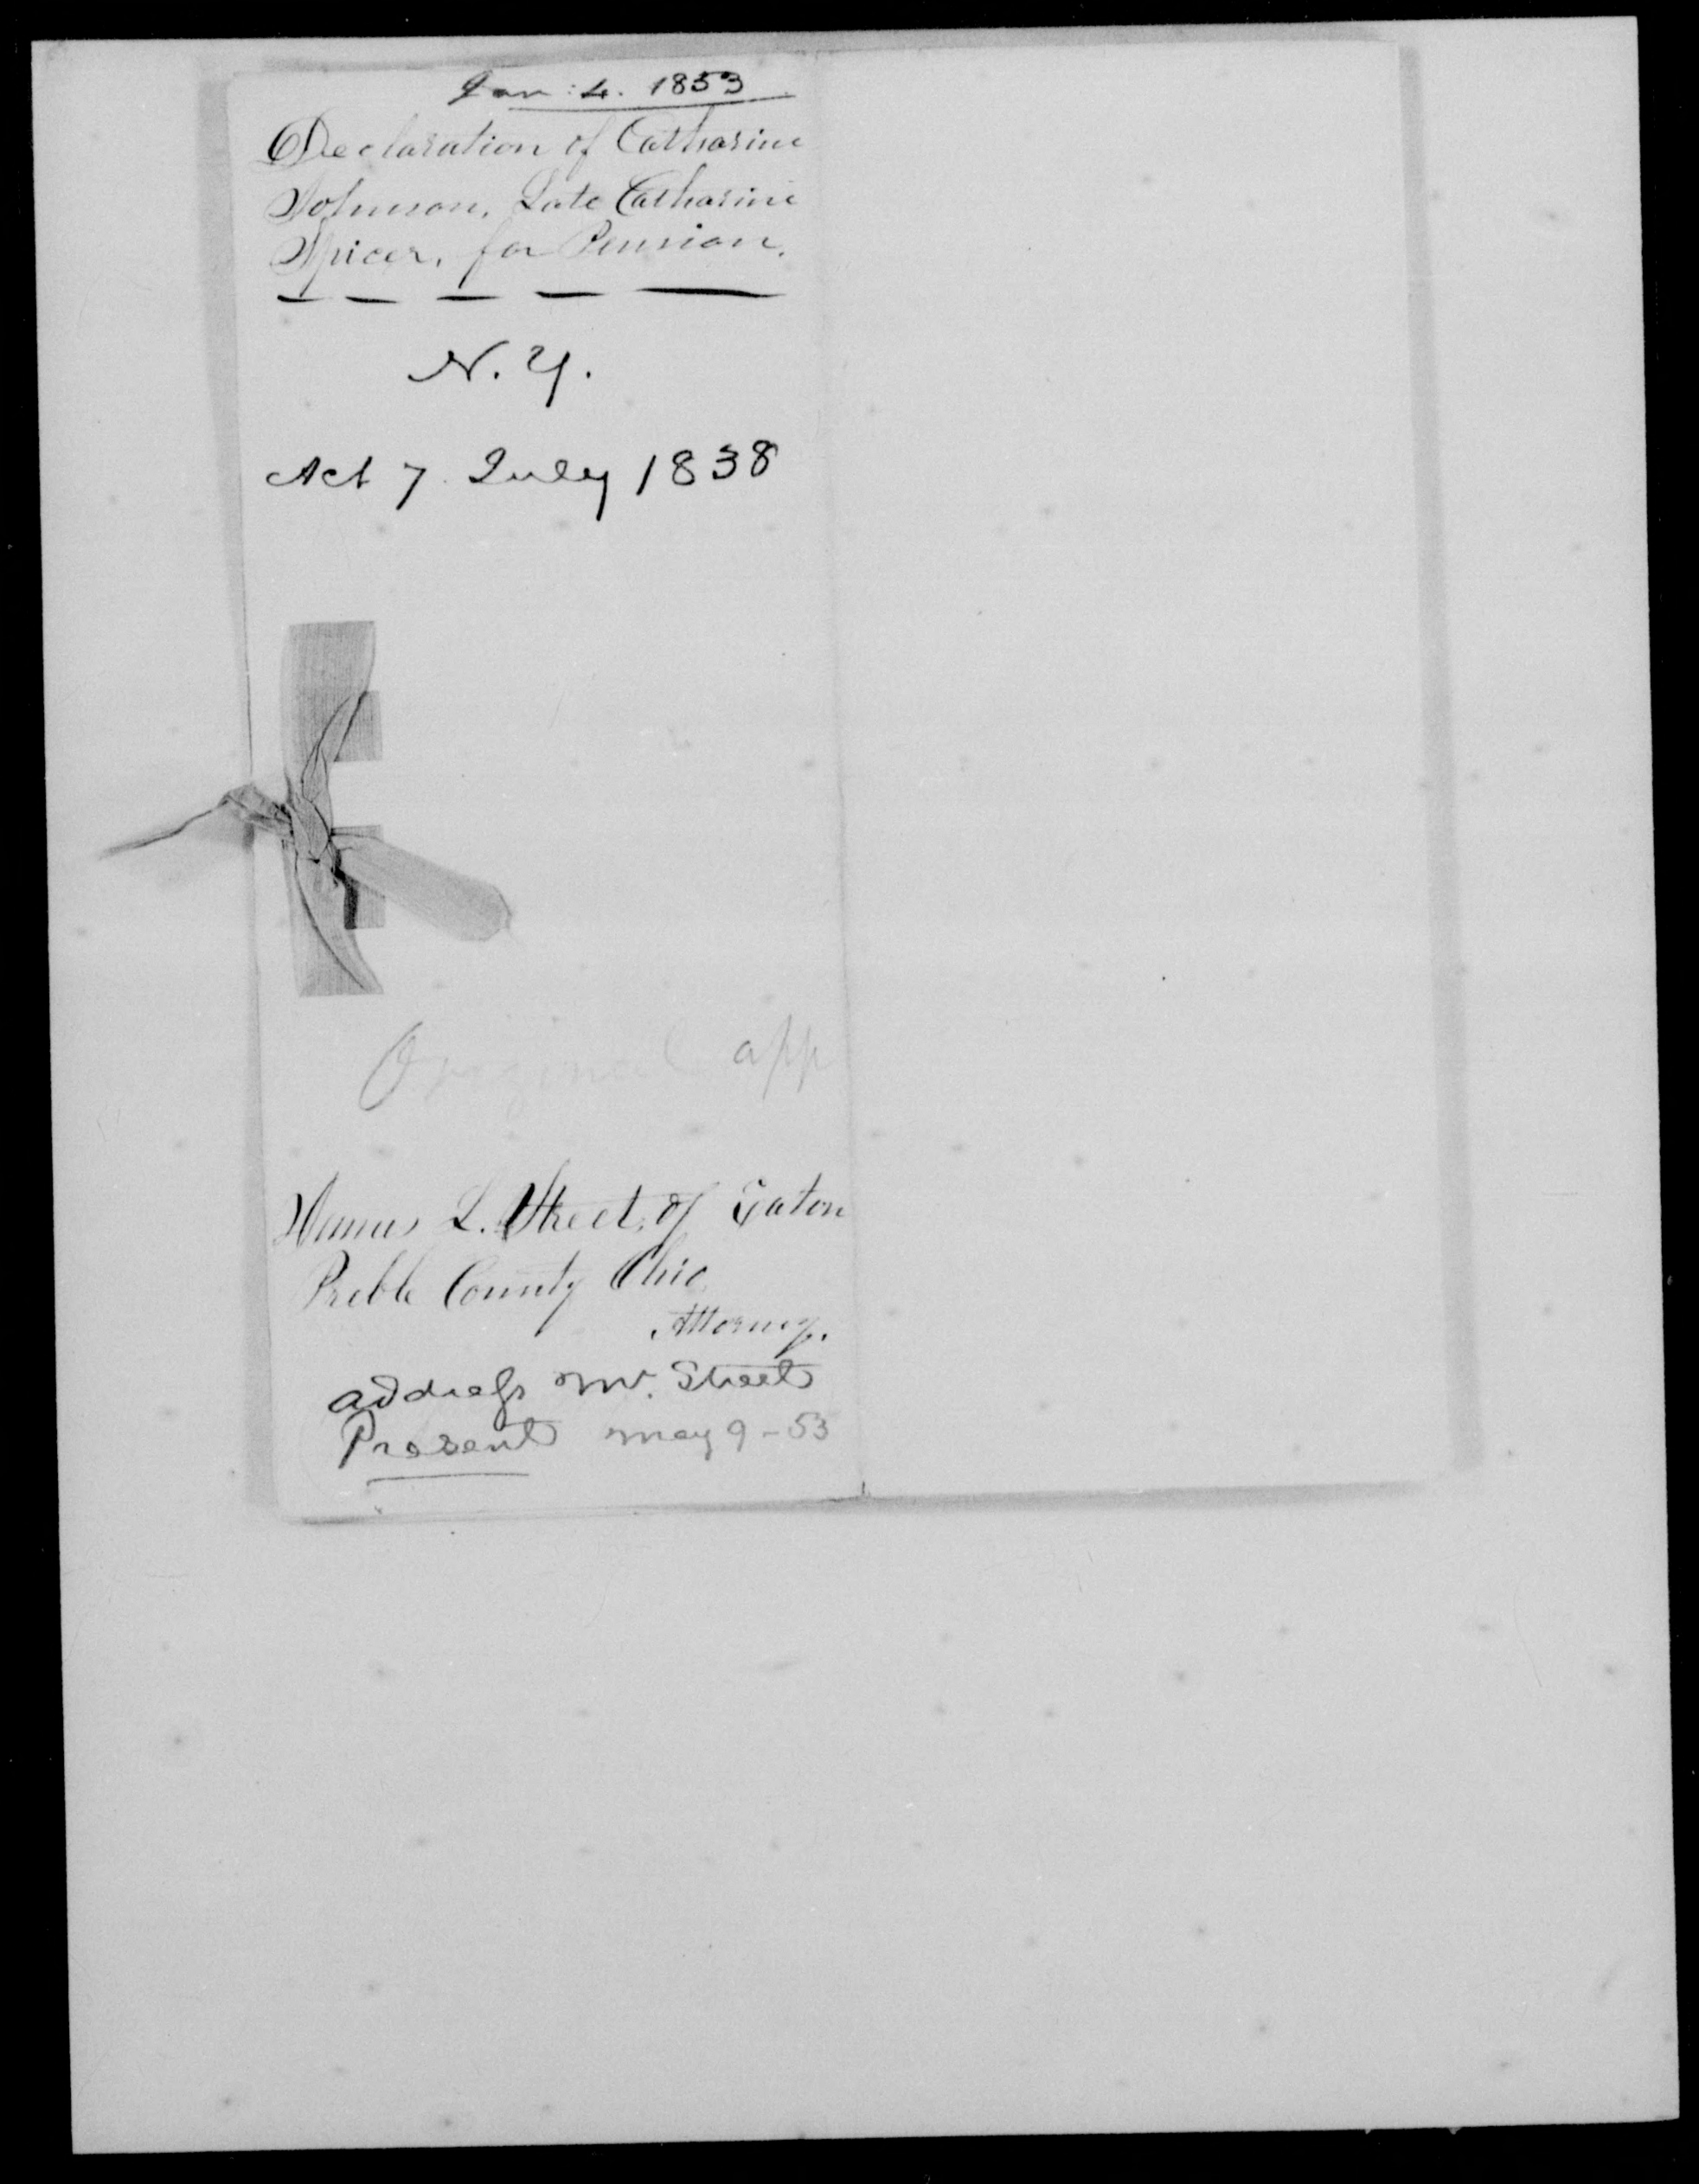Jan 4 1853
Declaration of Catharine Johnson, late Catharine Spicer, for pension
N.Y.
Act 7 July 1838

Original app
James L. Street, of Taton Preble County Ohio
Attorney
Address [illegible] Street
Present May 9 - 53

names: James L Street; Catharine Johnson; Catharine Spicer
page: 2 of 33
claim: rejected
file: R. 5603, for Nathan Spicer, New York